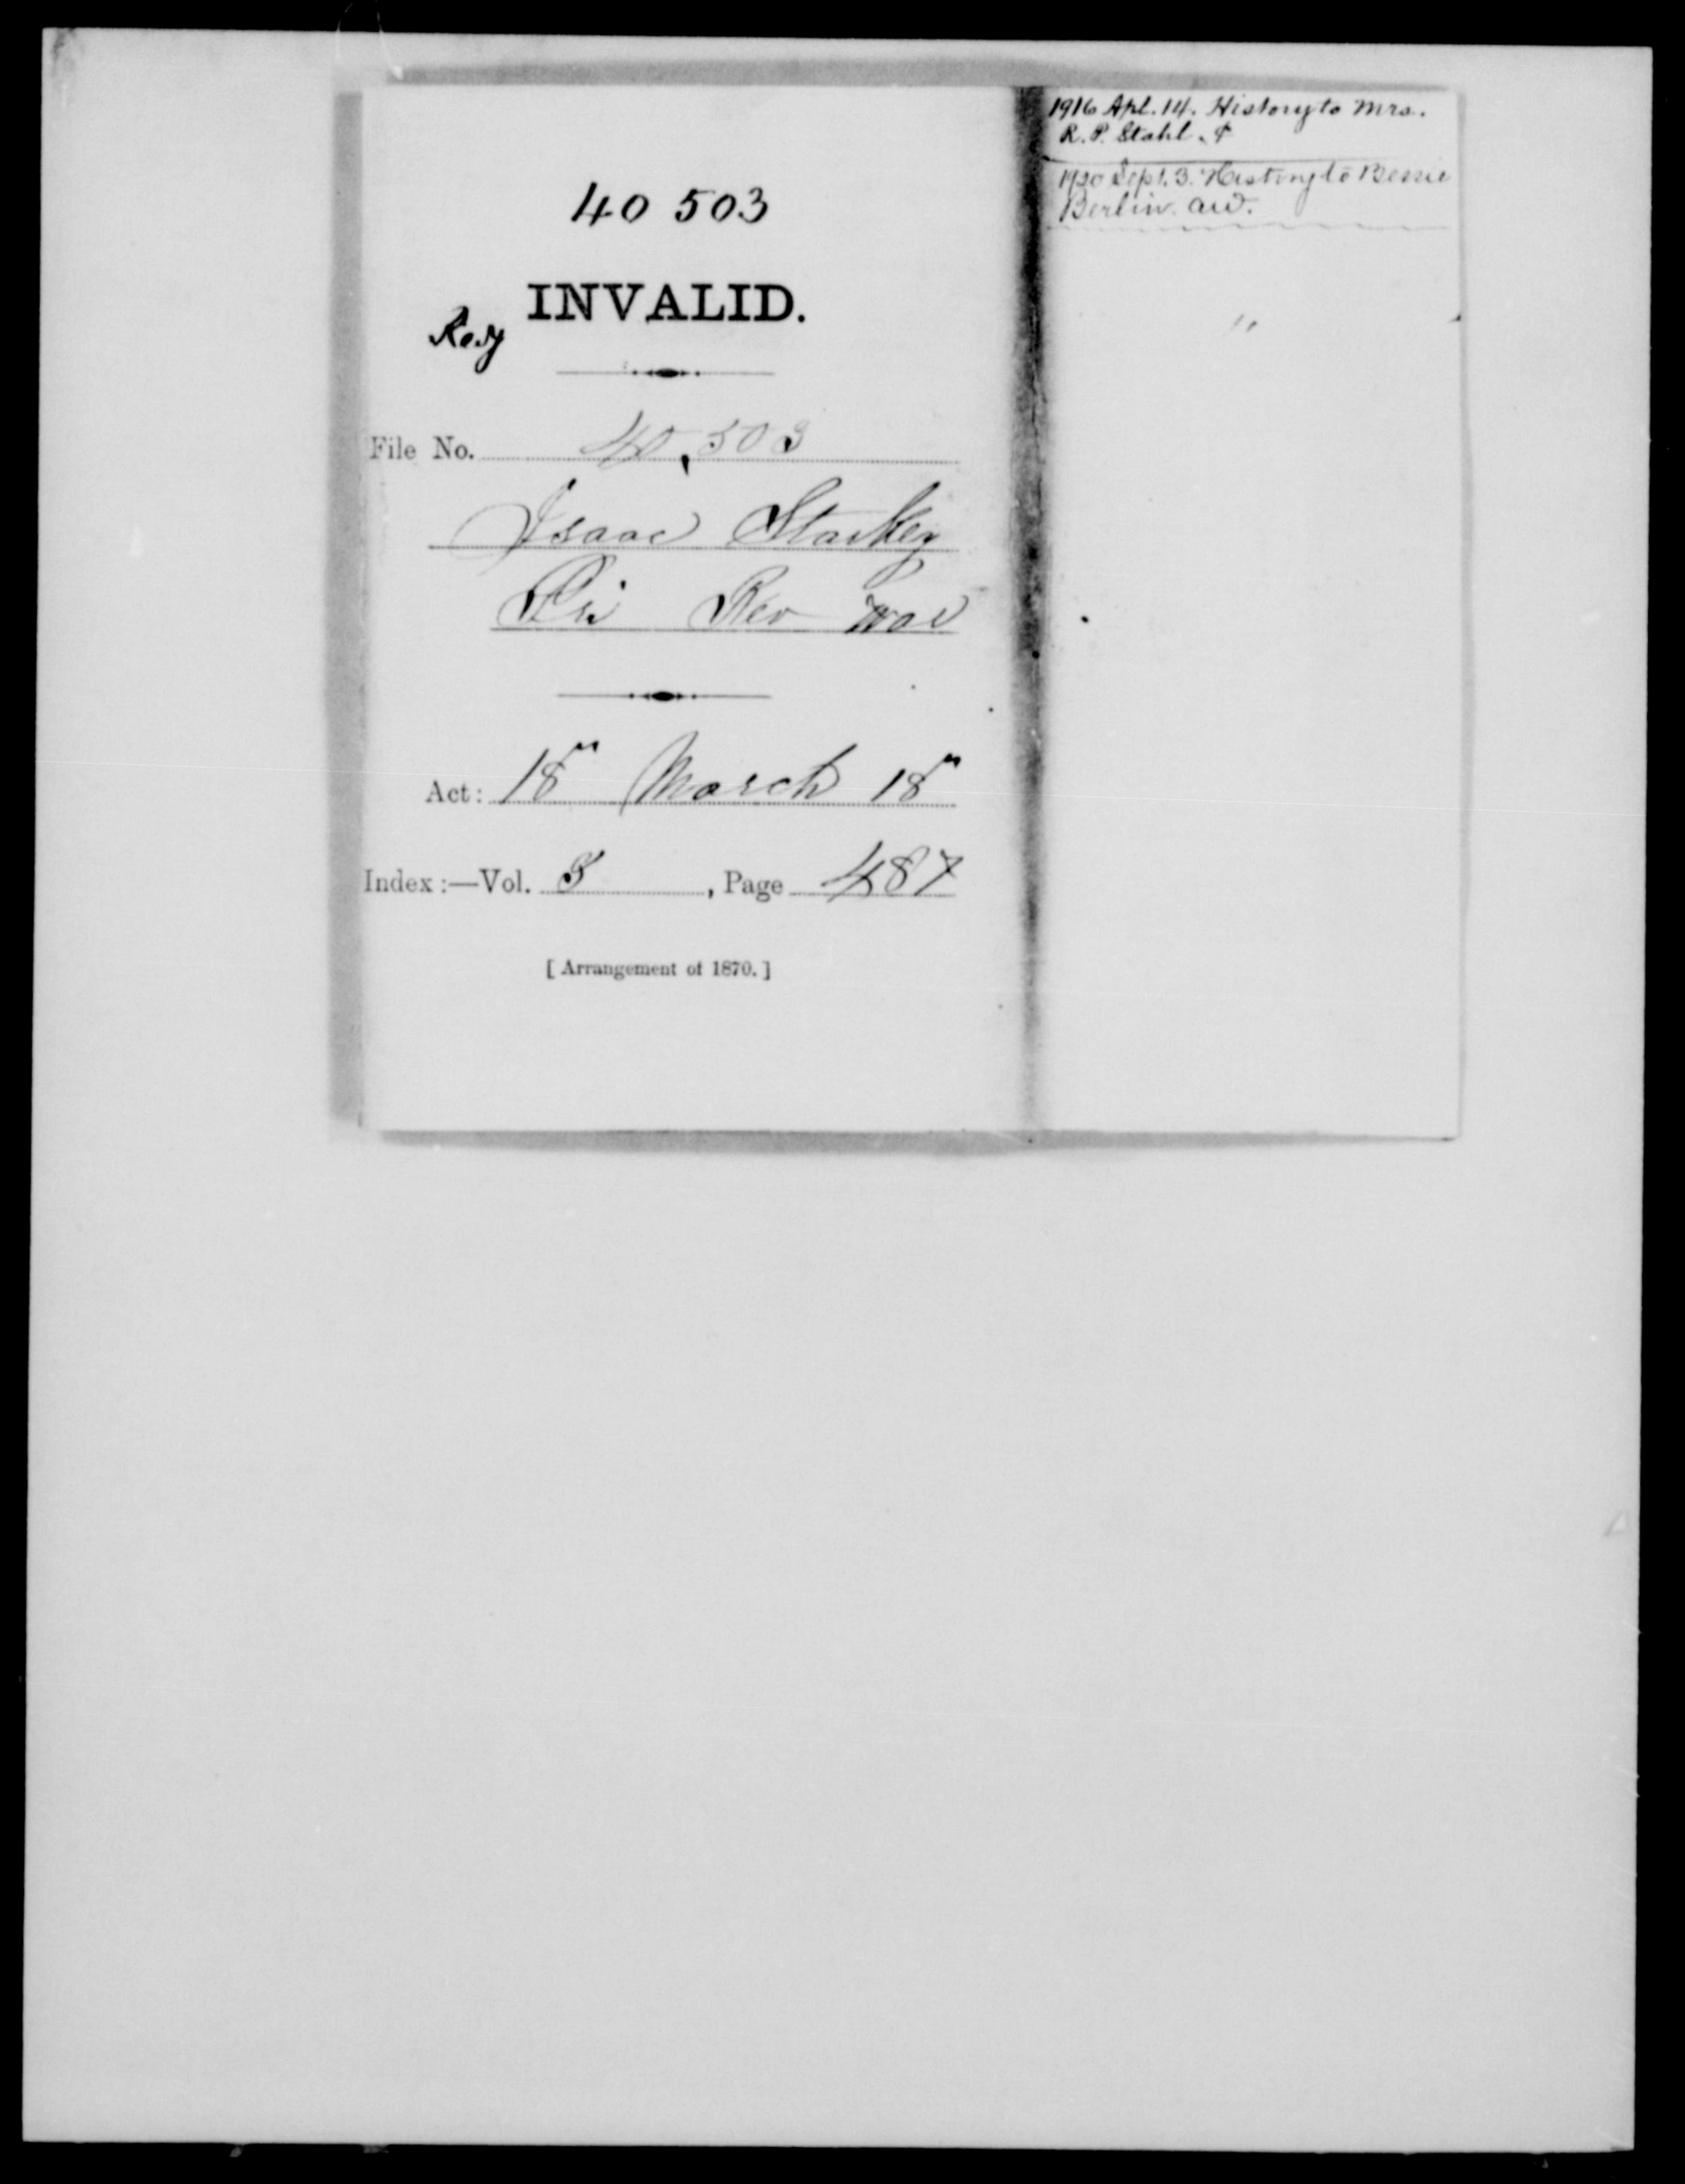INVALID
File No 40803
Isaac Starkey
Pvt...
Act 18th March, 1818
Index:- Vol 3, Page 487
[Arrangement of 1870]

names: Bassie Berlin; Isaac Starkey; R P Stahl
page: 14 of 14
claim: survivor's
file: S 40503, for Isaac Starkey, Virginia